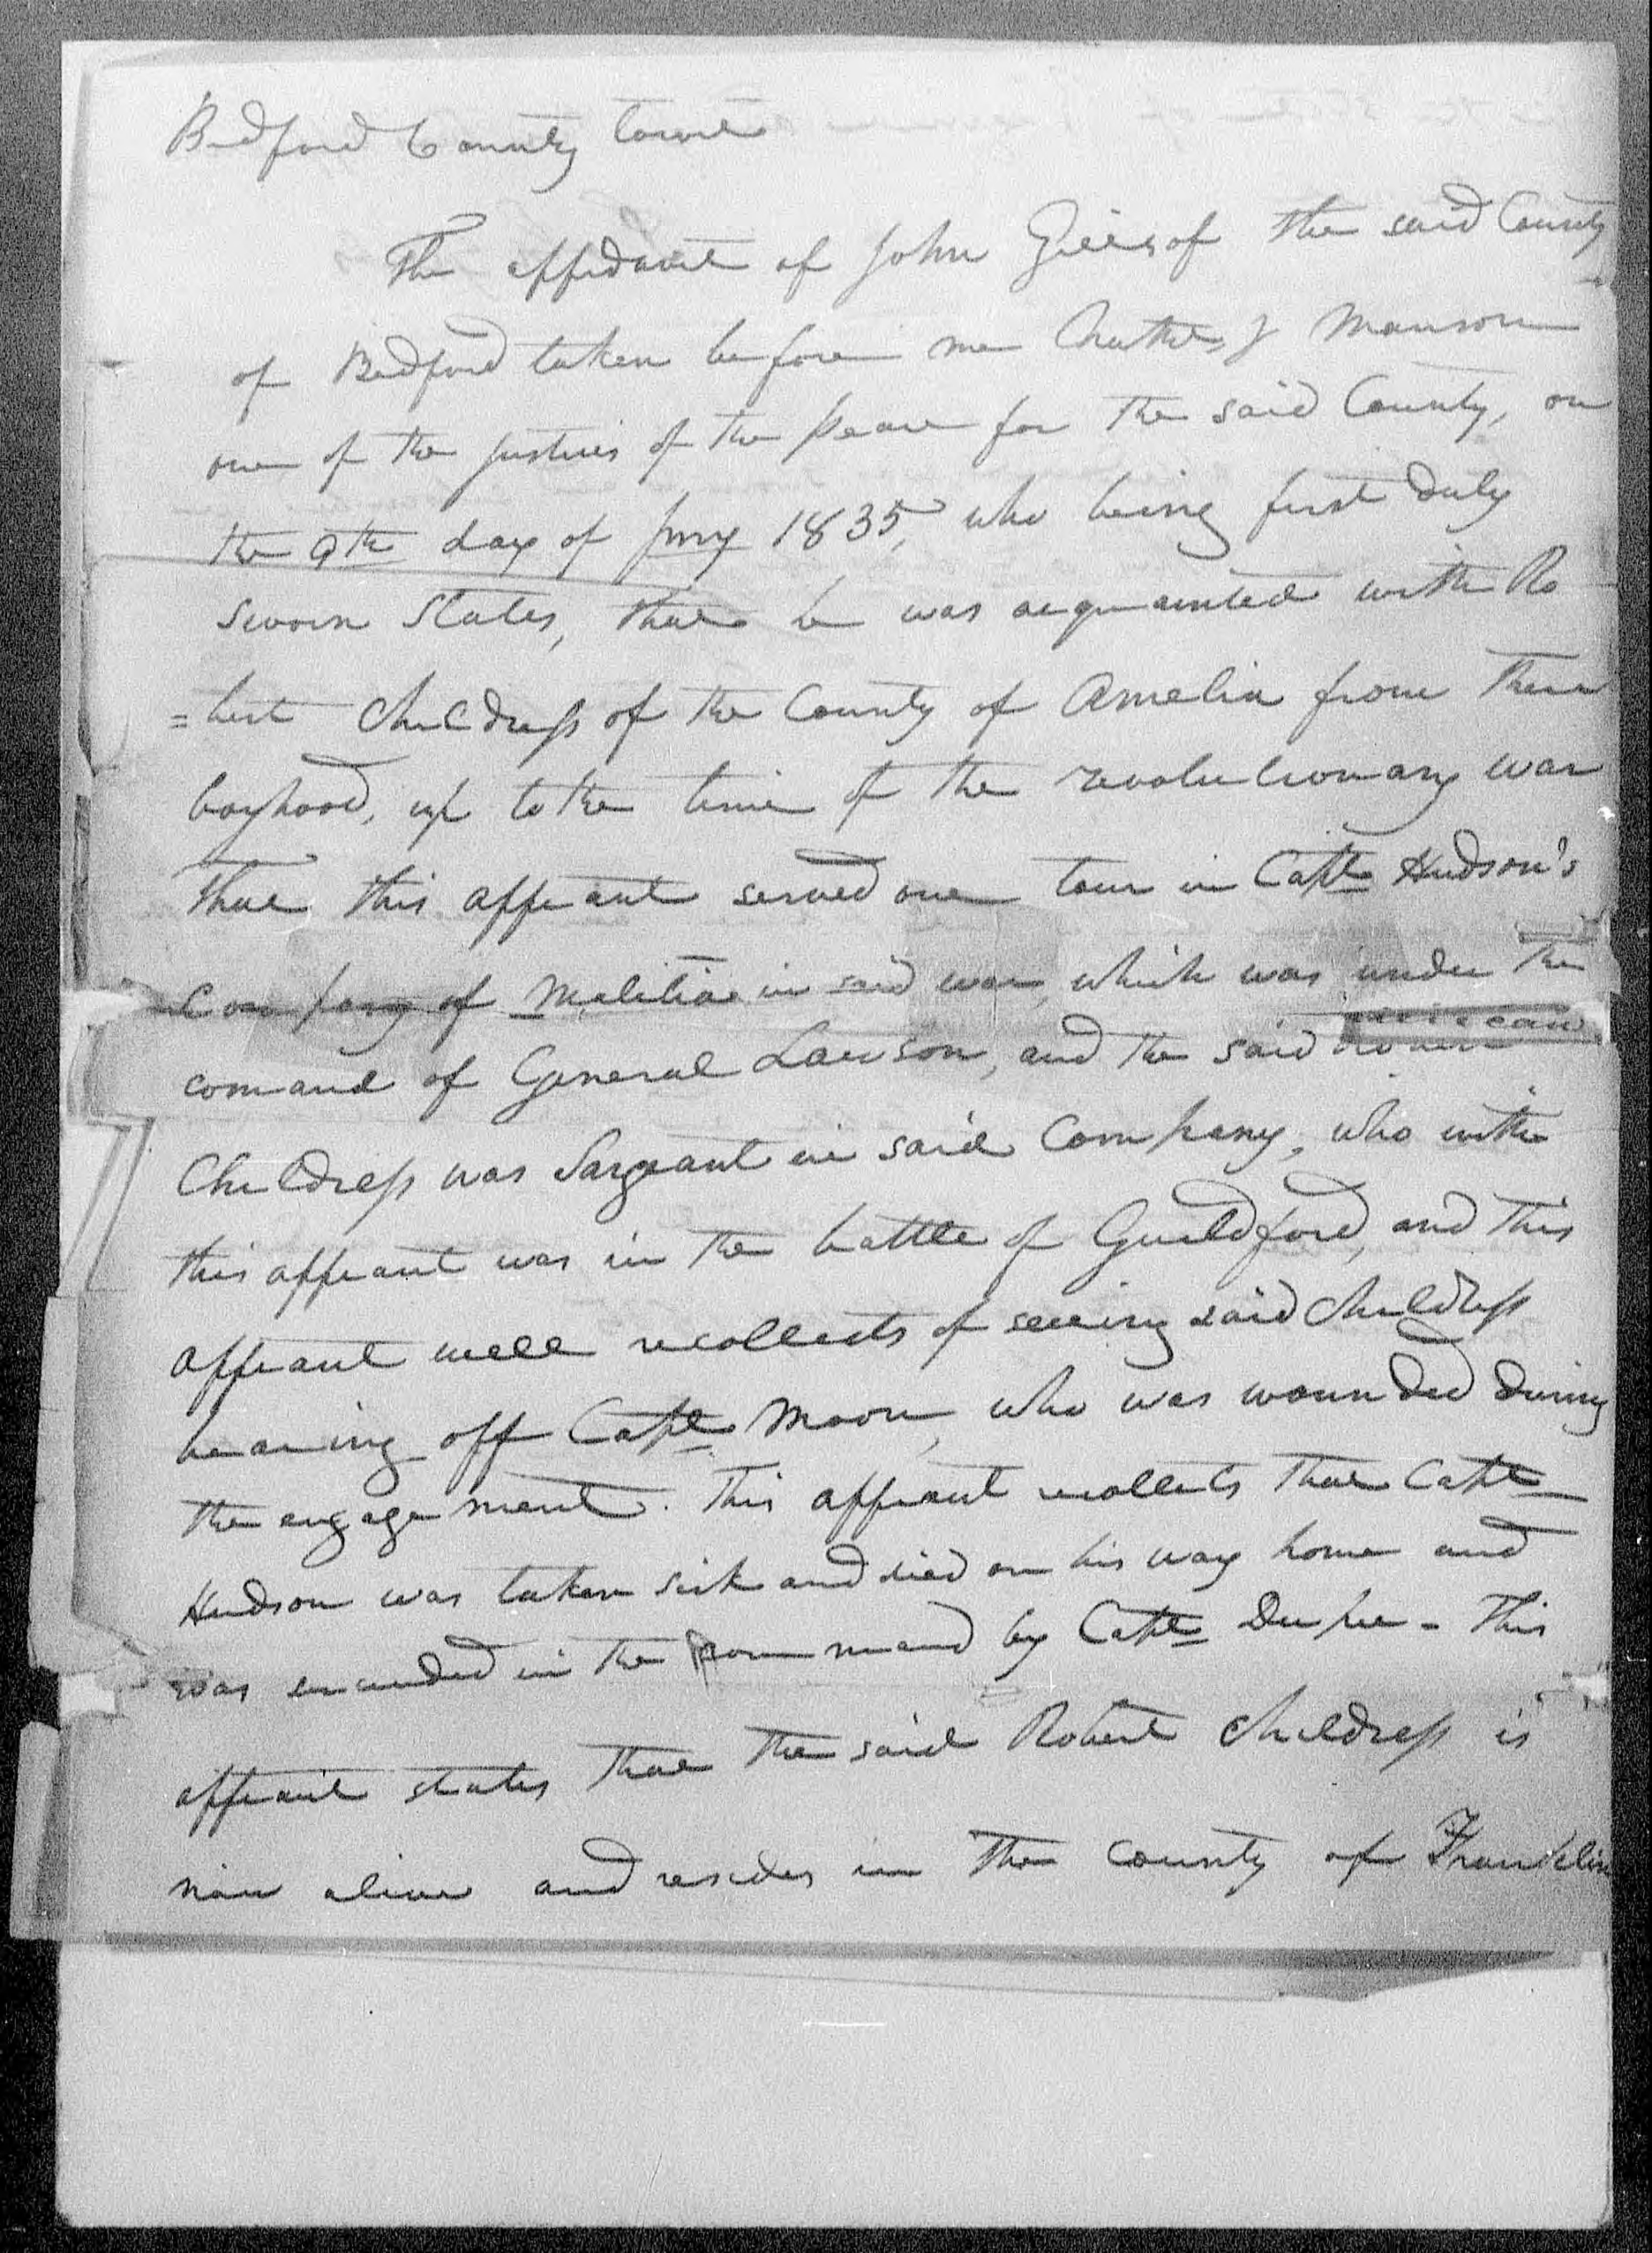Bedford County Court
The affidavit of John Gees of the said County
of Bedford taken before me Arthur J Manson
one of the Justices of the peace for the said County, on the 9th day of May 1835, who being first duly sworn states, that he was acquainted with [illegible] Childress of the County of Amelia from their boyhood, up to the time of the revolutionary War that this affiant served one tour in Capt Hudson's Company of Militia in said war, which was under the command of General Lawson, and the saidChildress was Sargeant in said Company, who with this [illegible] was in the battle of Guildford and this affidavit well recollects of seeing said Childress hearing off Capt Moon, who was wounded during the engagement. This affiant recollects that at Hudson was taken sick and died on his way home and was handed in the command by Capt Dee [illegible]. This affidavit states that the said Robert Childress is now alive and resides in the County of Franklin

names: Robert Childress, Moore, Childress, Hudson, Childress, Nathe J Manson, Dupee, Lawson, John Gills, Robert Childress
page: 15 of 25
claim: rejected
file: R. 1929, Robert Childress, Va